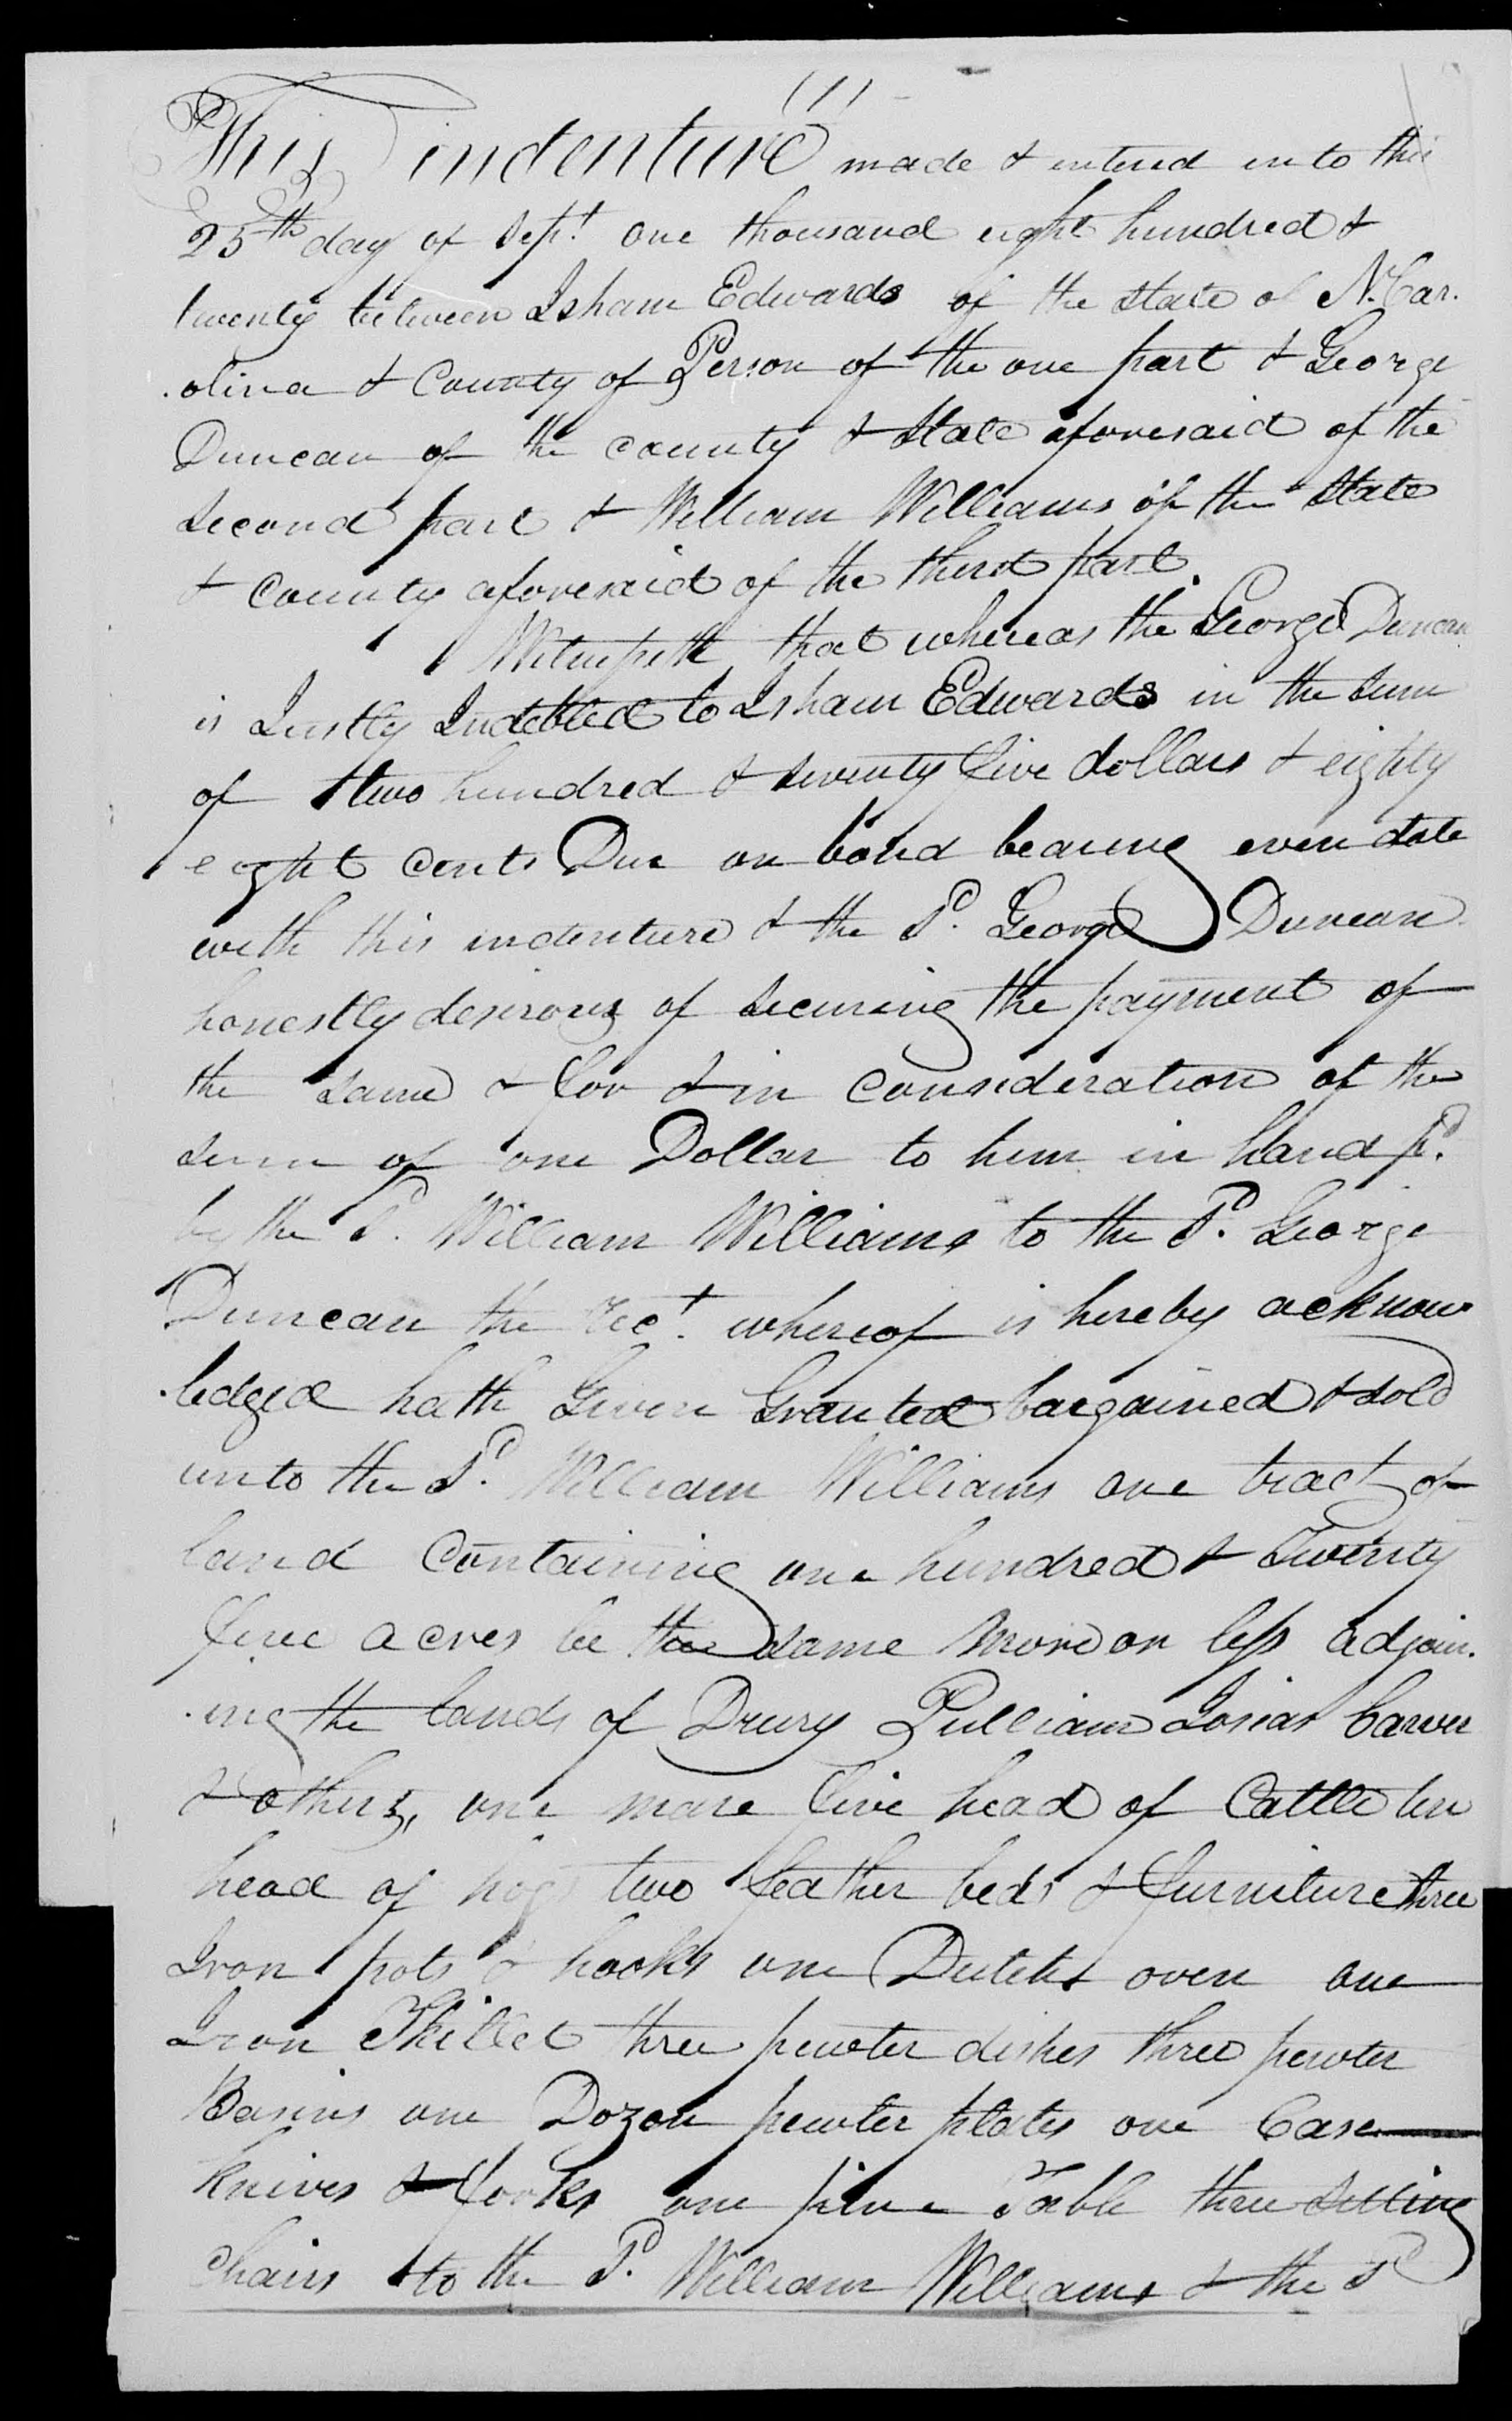This indenture made and entered into this 25th day of Sept. one thousand eight hundred and twenty, between Isham Edwards of the state of N. Carolina and county of Perron of the one part and George Duncan of the county and state aforesaid of the second part and William Williams of the state and county aforesaid of the third part.
Witnesseth that whereas the George Duncan is justly indebted to Isham Edwards in the sum of two hundred and seventy five dollars and eighty eight cents due an bond bearing same date with this indenture and the said George Duncan honestly desiring of securing the payment of the said and for and in consideration of the sum of one dollar to him in hand by the said William Williams to the said George Duncan the rec't whereof is hereby acknowledged hath given granted bargained and sold unto the said William Williams one tract of land containing one hundred and twenty five acres be the same more or less adjoining the lands of Drury Pulliam, Iasiar Carver and others, one mare, five hear of cattle, ten head of hog, two feather beds and furniture three iron pots and hooks, one dutch oven, one iron skillet, three pewter dishes, three pewter bevies, one dozen pewter plates, one case knives and forks and five table, three sitting chairs to the said William Williams and the said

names: William Williams, George Duncan, William Williams, William Williams, Isham Edwards, George Duncan, George Duncan, George Duncan, Isham Edwards, William Williams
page: 31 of 49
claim: survivor's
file: S. 41513, George Duncan, N.C.